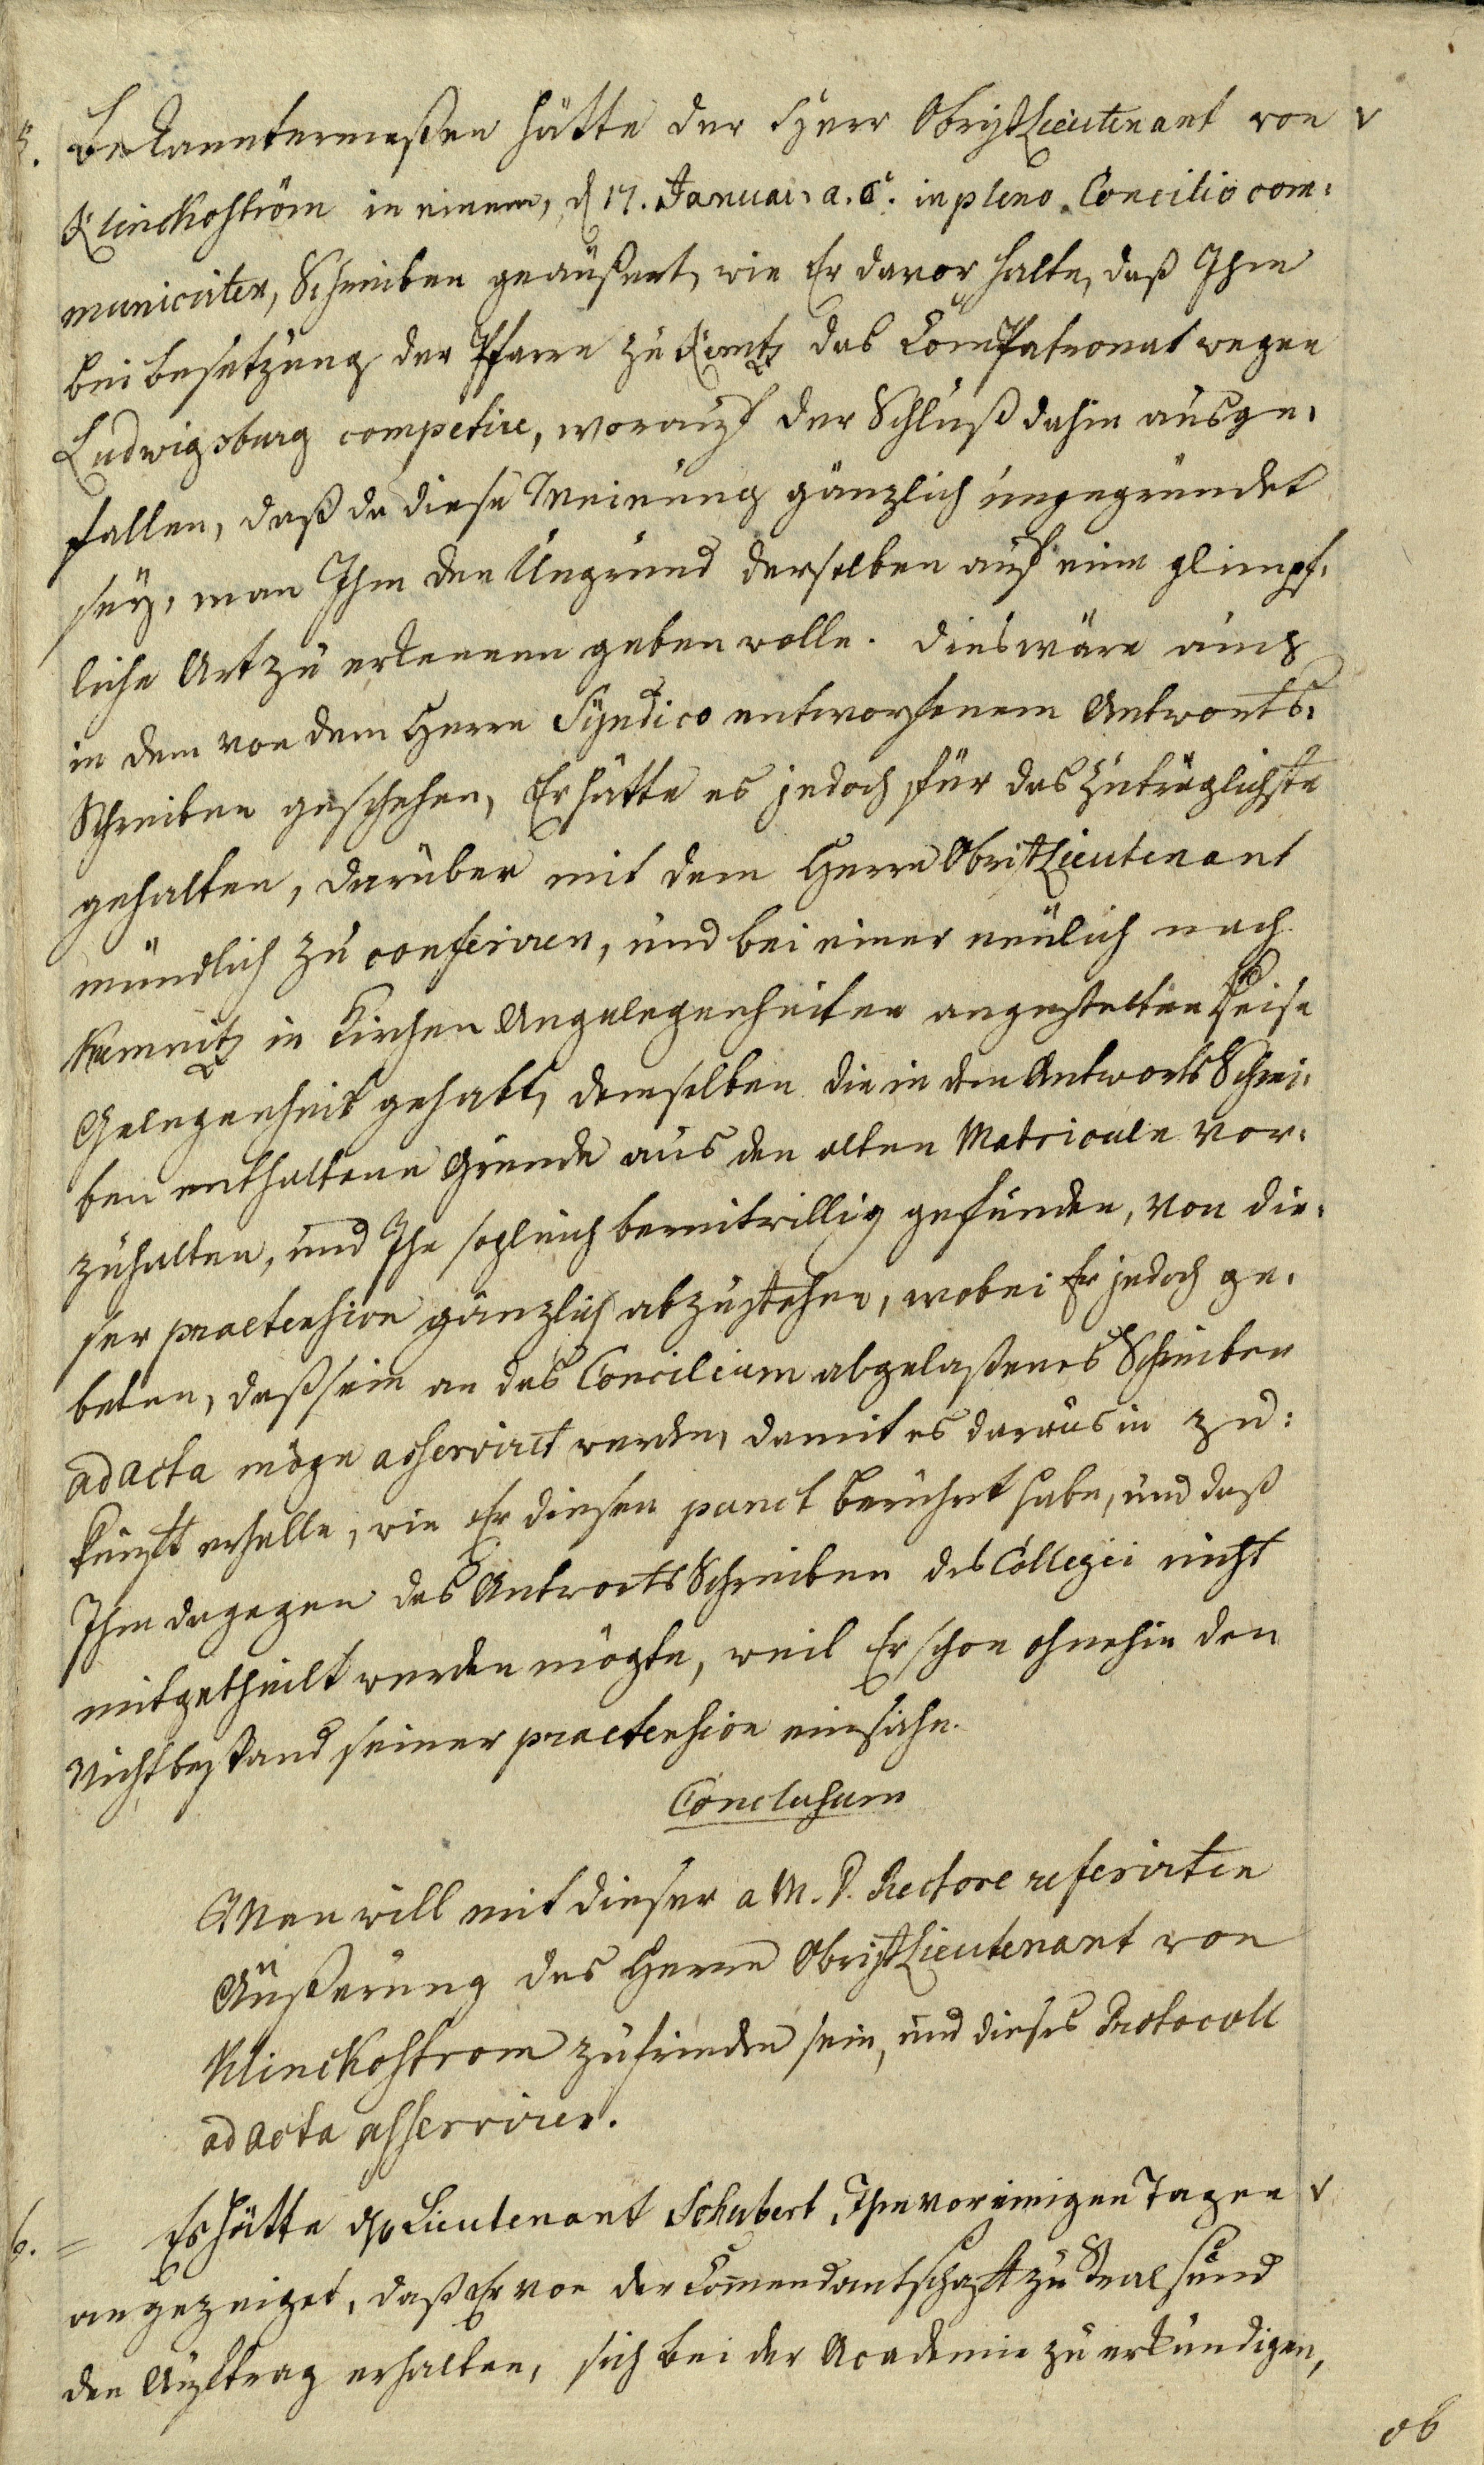Bekanntermaßen hätte der Herr Obrist Lieutenant von
Klinckowström in einem, d. 17. Januar. a.c. in pleno Concilio com¬
municirten, Schreiben geäußert, wie Er davor halte, daß Ihm
bei Besetzung der Pfarre zu Kemtz das CornPatronat wegen
Ludwigsburg competire, worauf der Schluß dahin ausge¬
fallen, daß diese Meinung gänzlich ungegründet
seÿ, man Ihm den Ungrund derselben auf eine glimpf¬
liche Art zu erkennen geben wolle. Dies wäre auch
in dem von dem Herrn Sÿndico entworfenem Antworts¬
Schreiben geschehen, Er hätte es jedoch für das zuträglichste
gehalten, darüber mit dem Herrn Obrist Lieutenant
mündlich zu conferiren, und bei einer neulich nach
Kemnitz in Kirchen Angelegenheiten angestellten Reise
Gelegenheit gehabt, demselben die in dem Antworts Schrei¬
ben enthaltene Gründe aus den alten Matriculn vor¬
zuhalten, und Ihn sogleich bereitwillig gefunden, von die¬
ser praetension gänzlich abzustehen, wobei Er jedoch ge¬
beten, daß sein an das Concilium abgelaßenes Schreiben
ad acta möge asserviret werden, damit es daraus in Zu¬
kunft erhelle, wie Er diesen punct berühret habe, und daß
Ihm dagegen das AntwortsSchreiben des Collegii nicht
mitgetheilt werden mögte, weil Er schon ohnehin den
Nichtbestand seiner praetension einsähe.
Conclusum
Man will mit dieser a. M. D. Rectore referirten
Äußerung des Herrn Obrist Lieutnant von
Klinckoström zufrieden sein, und dieses Protocoll
ad acta asserviren.
6. Es hätte dh. Lieutnant Schubert Ihm vor einigen Tagen
angezeiget, daß Er von der Comendantschaft zu Stralsund
den Auftrag erhalten, sich bei der Academie zu erkundigen,